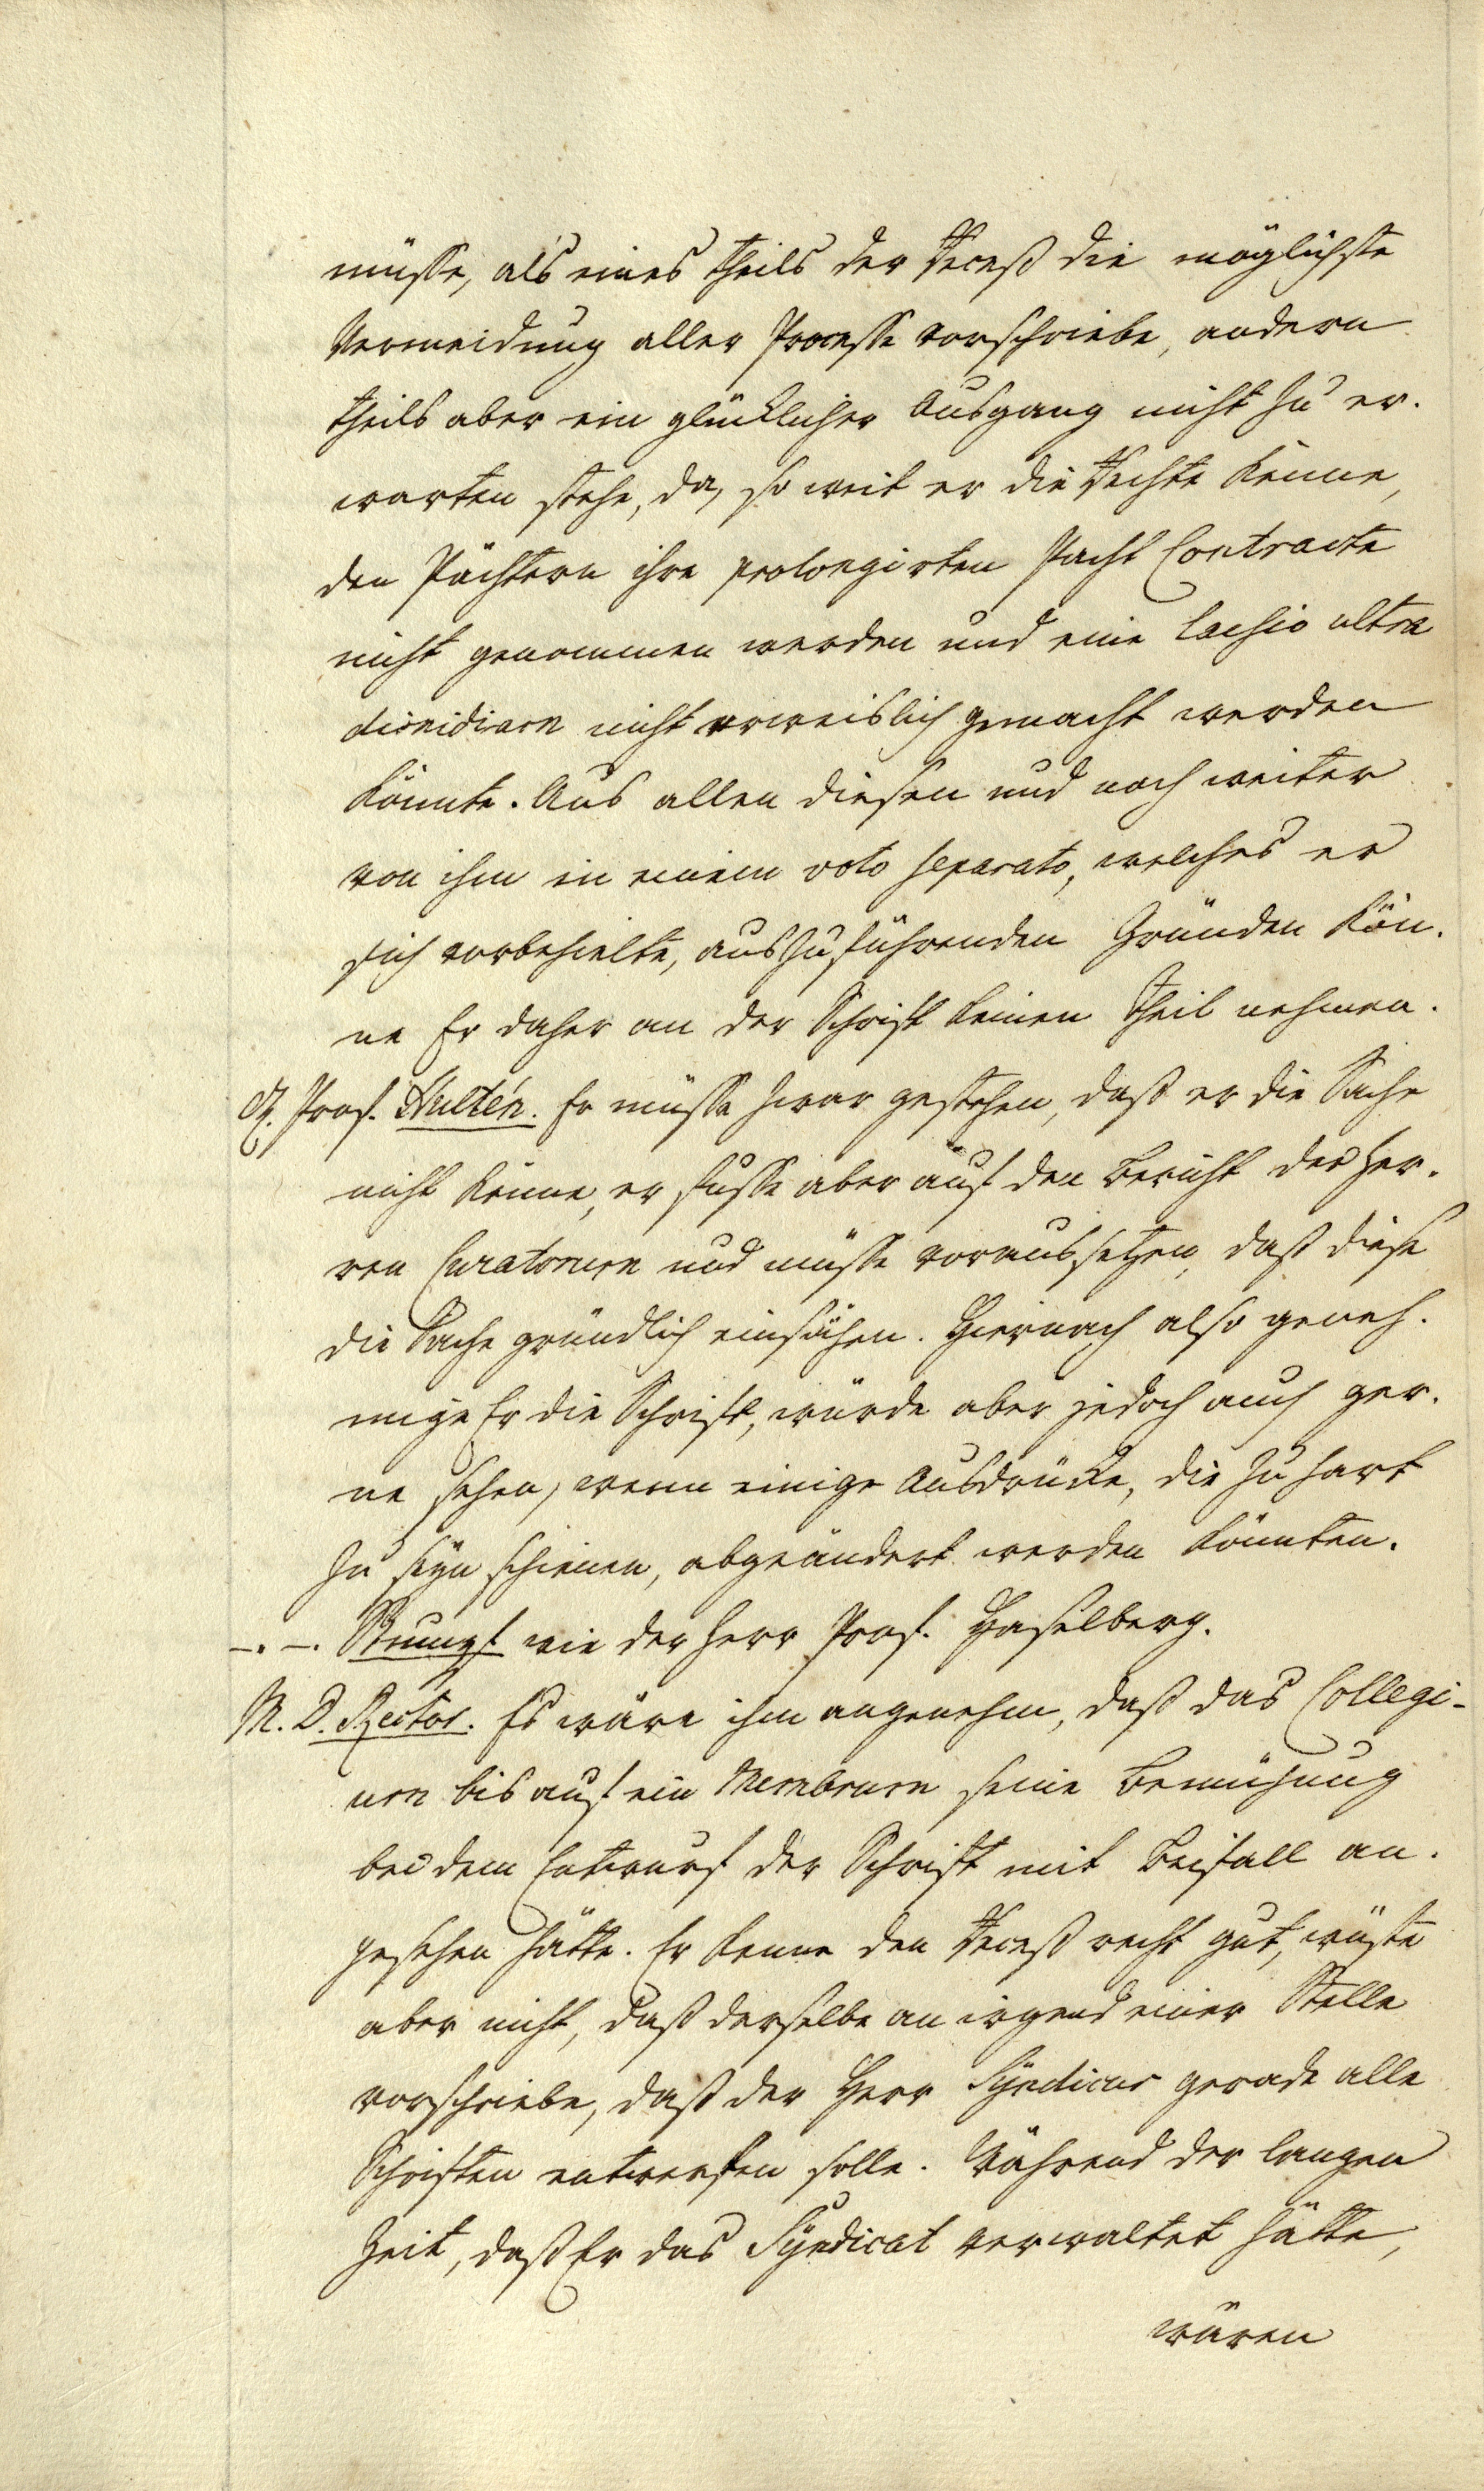müsse, als eines theils der Receß die möglichste
Vermeidung aller Processe vorschriebe, andern
theils aber ein glücklicher Ausgang nicht zu er¬
warten stehe, da, so weit er die Rechte kenne,
den Pächtern ihre prolongirten Pacht Contracte
nicht genommen werden und eine laesio ultra¬
dimidiam nicht erweislich gemacht werden
könnte. Aus allen diesen und noch weiter
von ihm in einem voto separato, welches er
sich vorbehielte, auszuführenden Gründen kön¬
ne Er daher an der Schrift keinen Theil nehmen.
dh. Prof. Hultén. Er müsse zwar gestehen, daß er die Sache
nicht kenne er fusse aber auf den Bericht der Her¬
ren Curatorum und müsse voraussetzen, daß diese
die Sache gründlich einsähen. Hiernach also geneh¬
mige Er die Schrift, würde aber jedoch auch ger¬
ne sehen, wenn einige Ausdrücke, die zu hart
zu seÿn schienen, abgeändert werden könnten.
Stumpf wie der Herr Prof. Haselberg.
M. D. Rector. Es wäre ihm angenehm, daß das Collegi¬
um bis auf ein Membrum seine Bemühung
bei dem Entwurf der Schrift mit Beifall an¬
gesehen hätte. Er kenne den Receß recht gut, wüßte
aber nicht, daß derselbe an irgend einer Stelle
vorschriebe, daß der Herr Sÿndicus gerade alle
Schriften entwerfen solle. Wahrend der langen
Zeit, daß Er das Sÿndicat verwaltet hätte,
wären